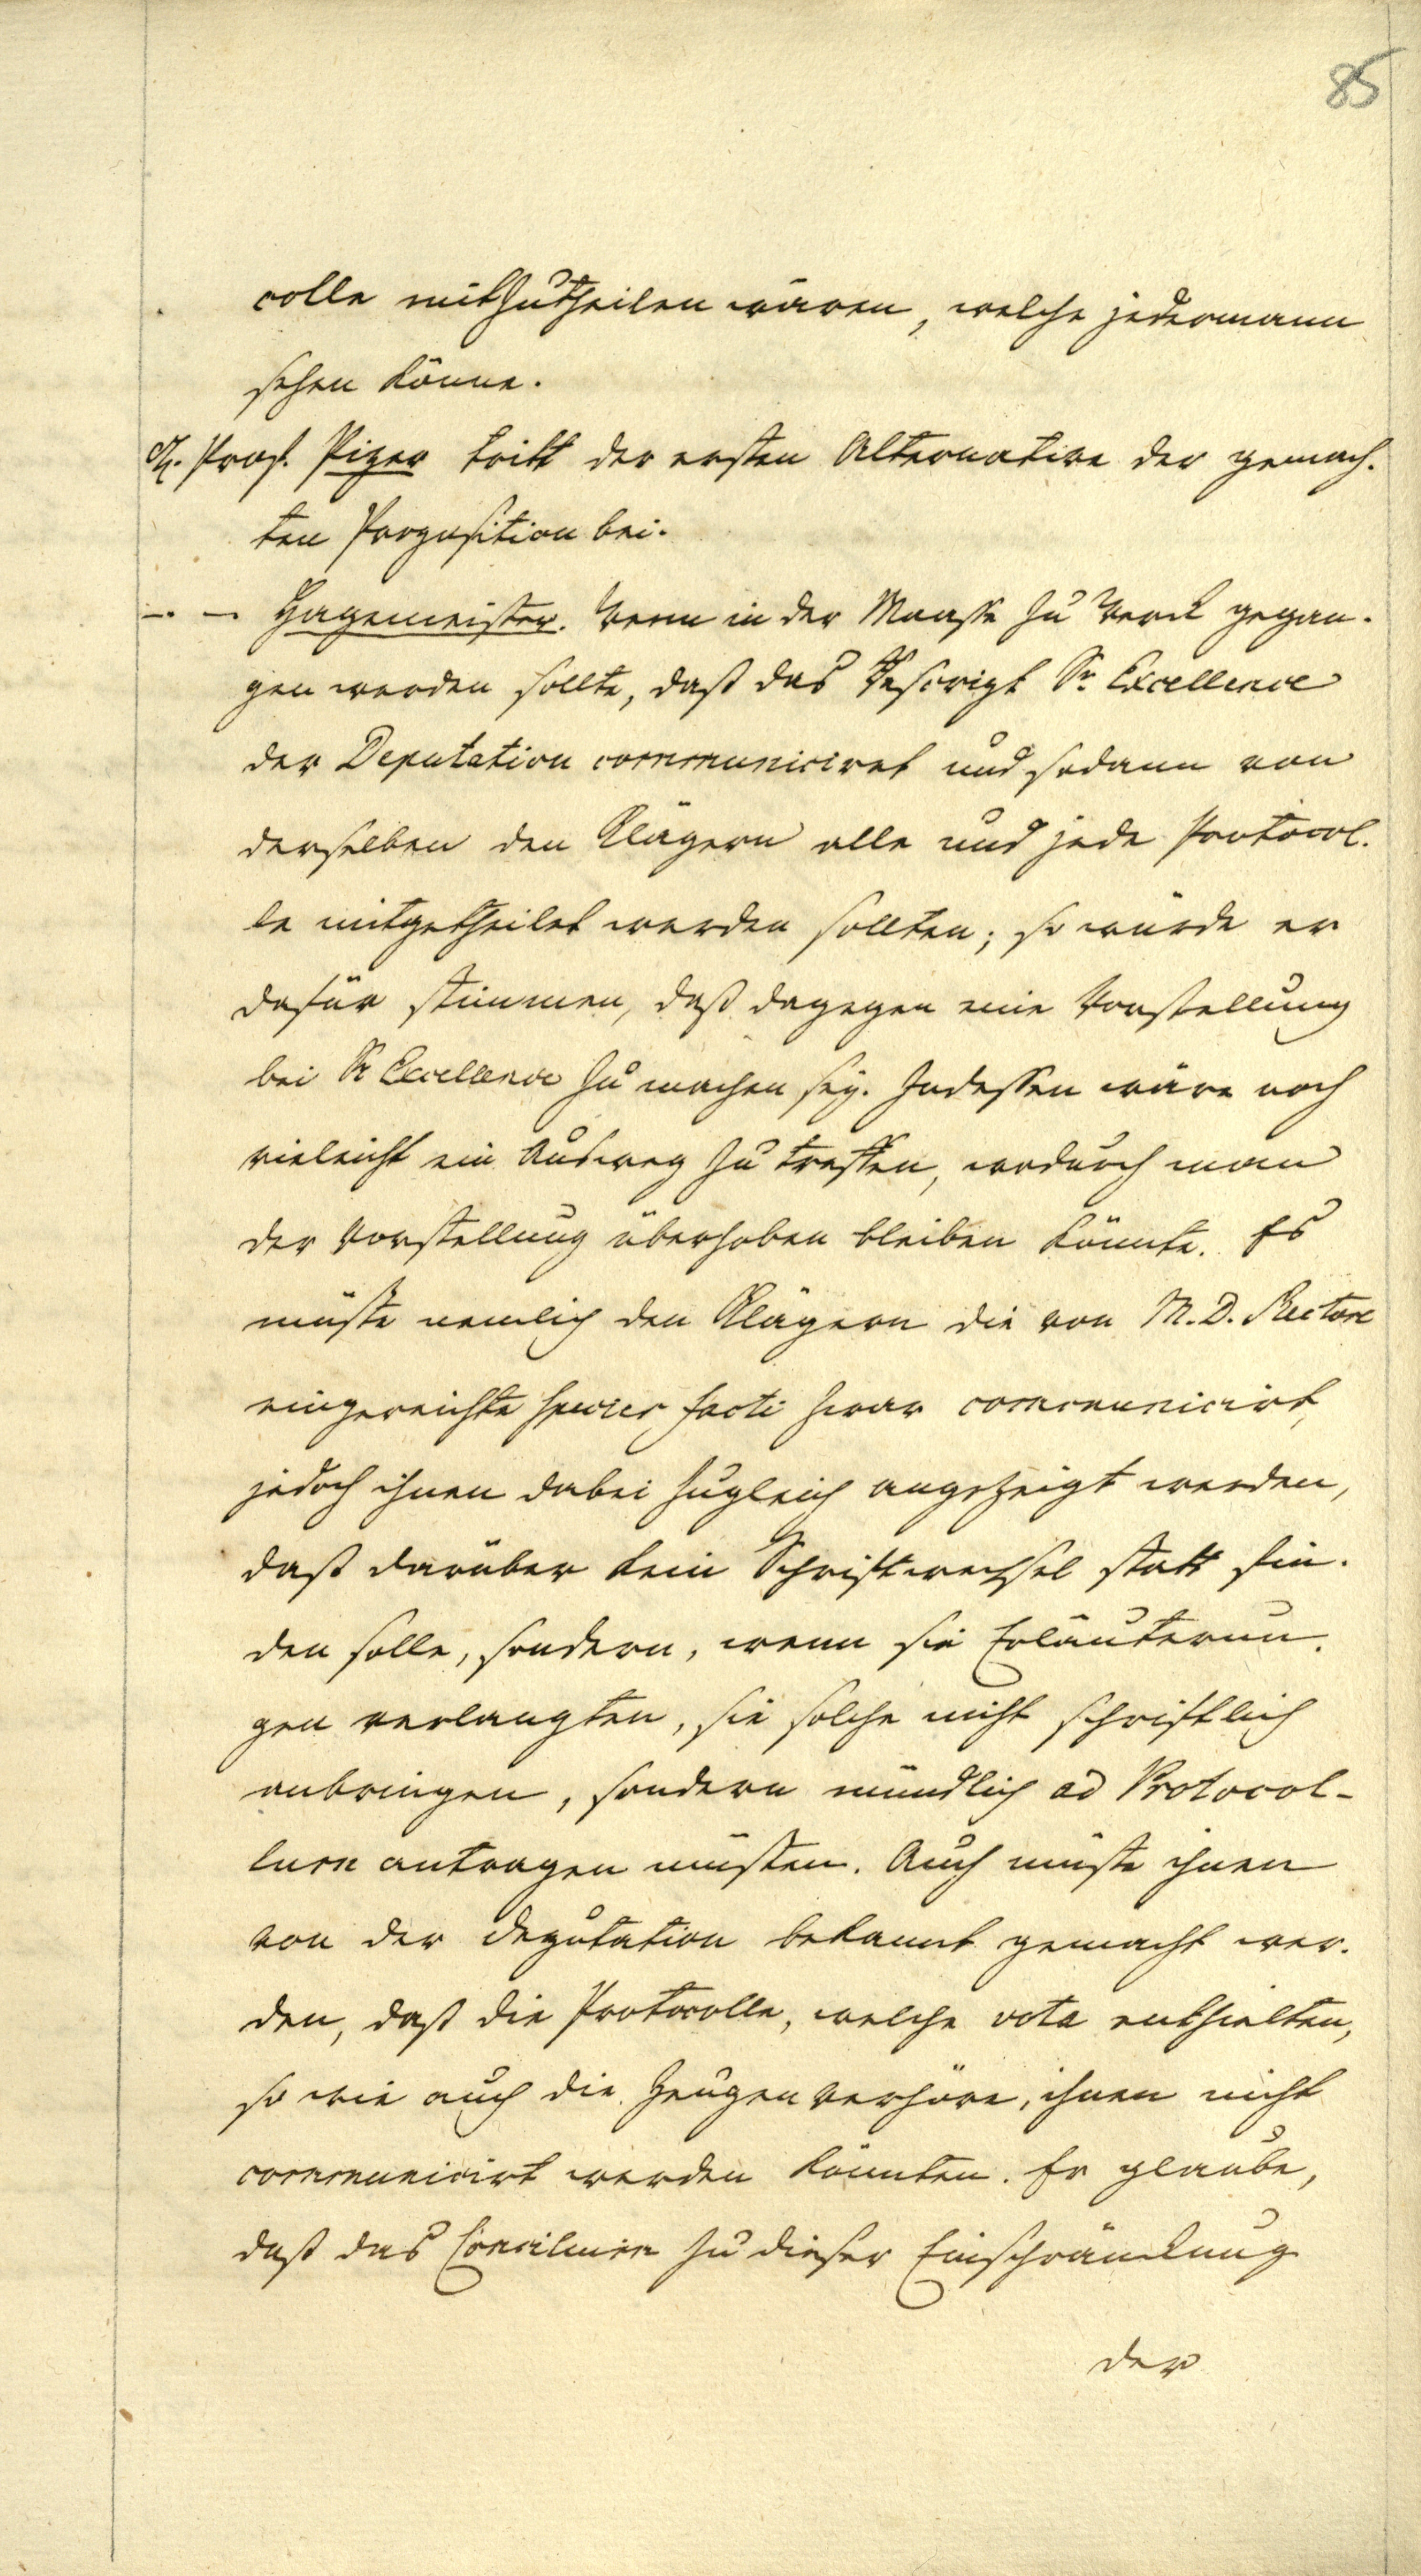colle mitzutheilen wären, welche jedermann
sehen könne.
dh. Prof. Piper tritt der ersten Alternative der gemach¬
ten Proposition bei.
Hagemeister. Wenn in der Maasse zu Werck gegan¬
gen werden sollte, daß das Rescript Sr Excellence
der Deputation communiciret und sodann von
derselben den Klägern alle und jede Protocol¬
de mitgetheilet werden sollten, so würde er
dafür stimmen, daß dagegen eine Vorstellung
bei Sr Excellence zu machen seÿ. Indessen wäre noch
vieleicht ein Ausweg zu treffen, wodurch man
der Vorstellung überhoben bleiben könnte. Es
müsste nemlich den Klägern die von M. D. Rectore
eingereichte Species Facti zwar communicirt,
jedoch ihnen dabei zugleich angezeigt werden,
daß darüber kein Schriftwechsel statt fin¬
den solle, sondern, wenn sie Erläuterun¬
gen verlangten, sie solche nicht schriftlich
anbringen, sondern mündlich ad Protocol¬
lum antragen müssten. Auch müßte ihnen
von der Deputation bekannt gemacht wer¬
den, daß die Protocolle, welche vota enthielten,
so wie auch die Zeugen verhöre, ihnen nicht
communicirt werden könnten. Er glaube,
daß das Concilium zu dieser Einschränckung
der